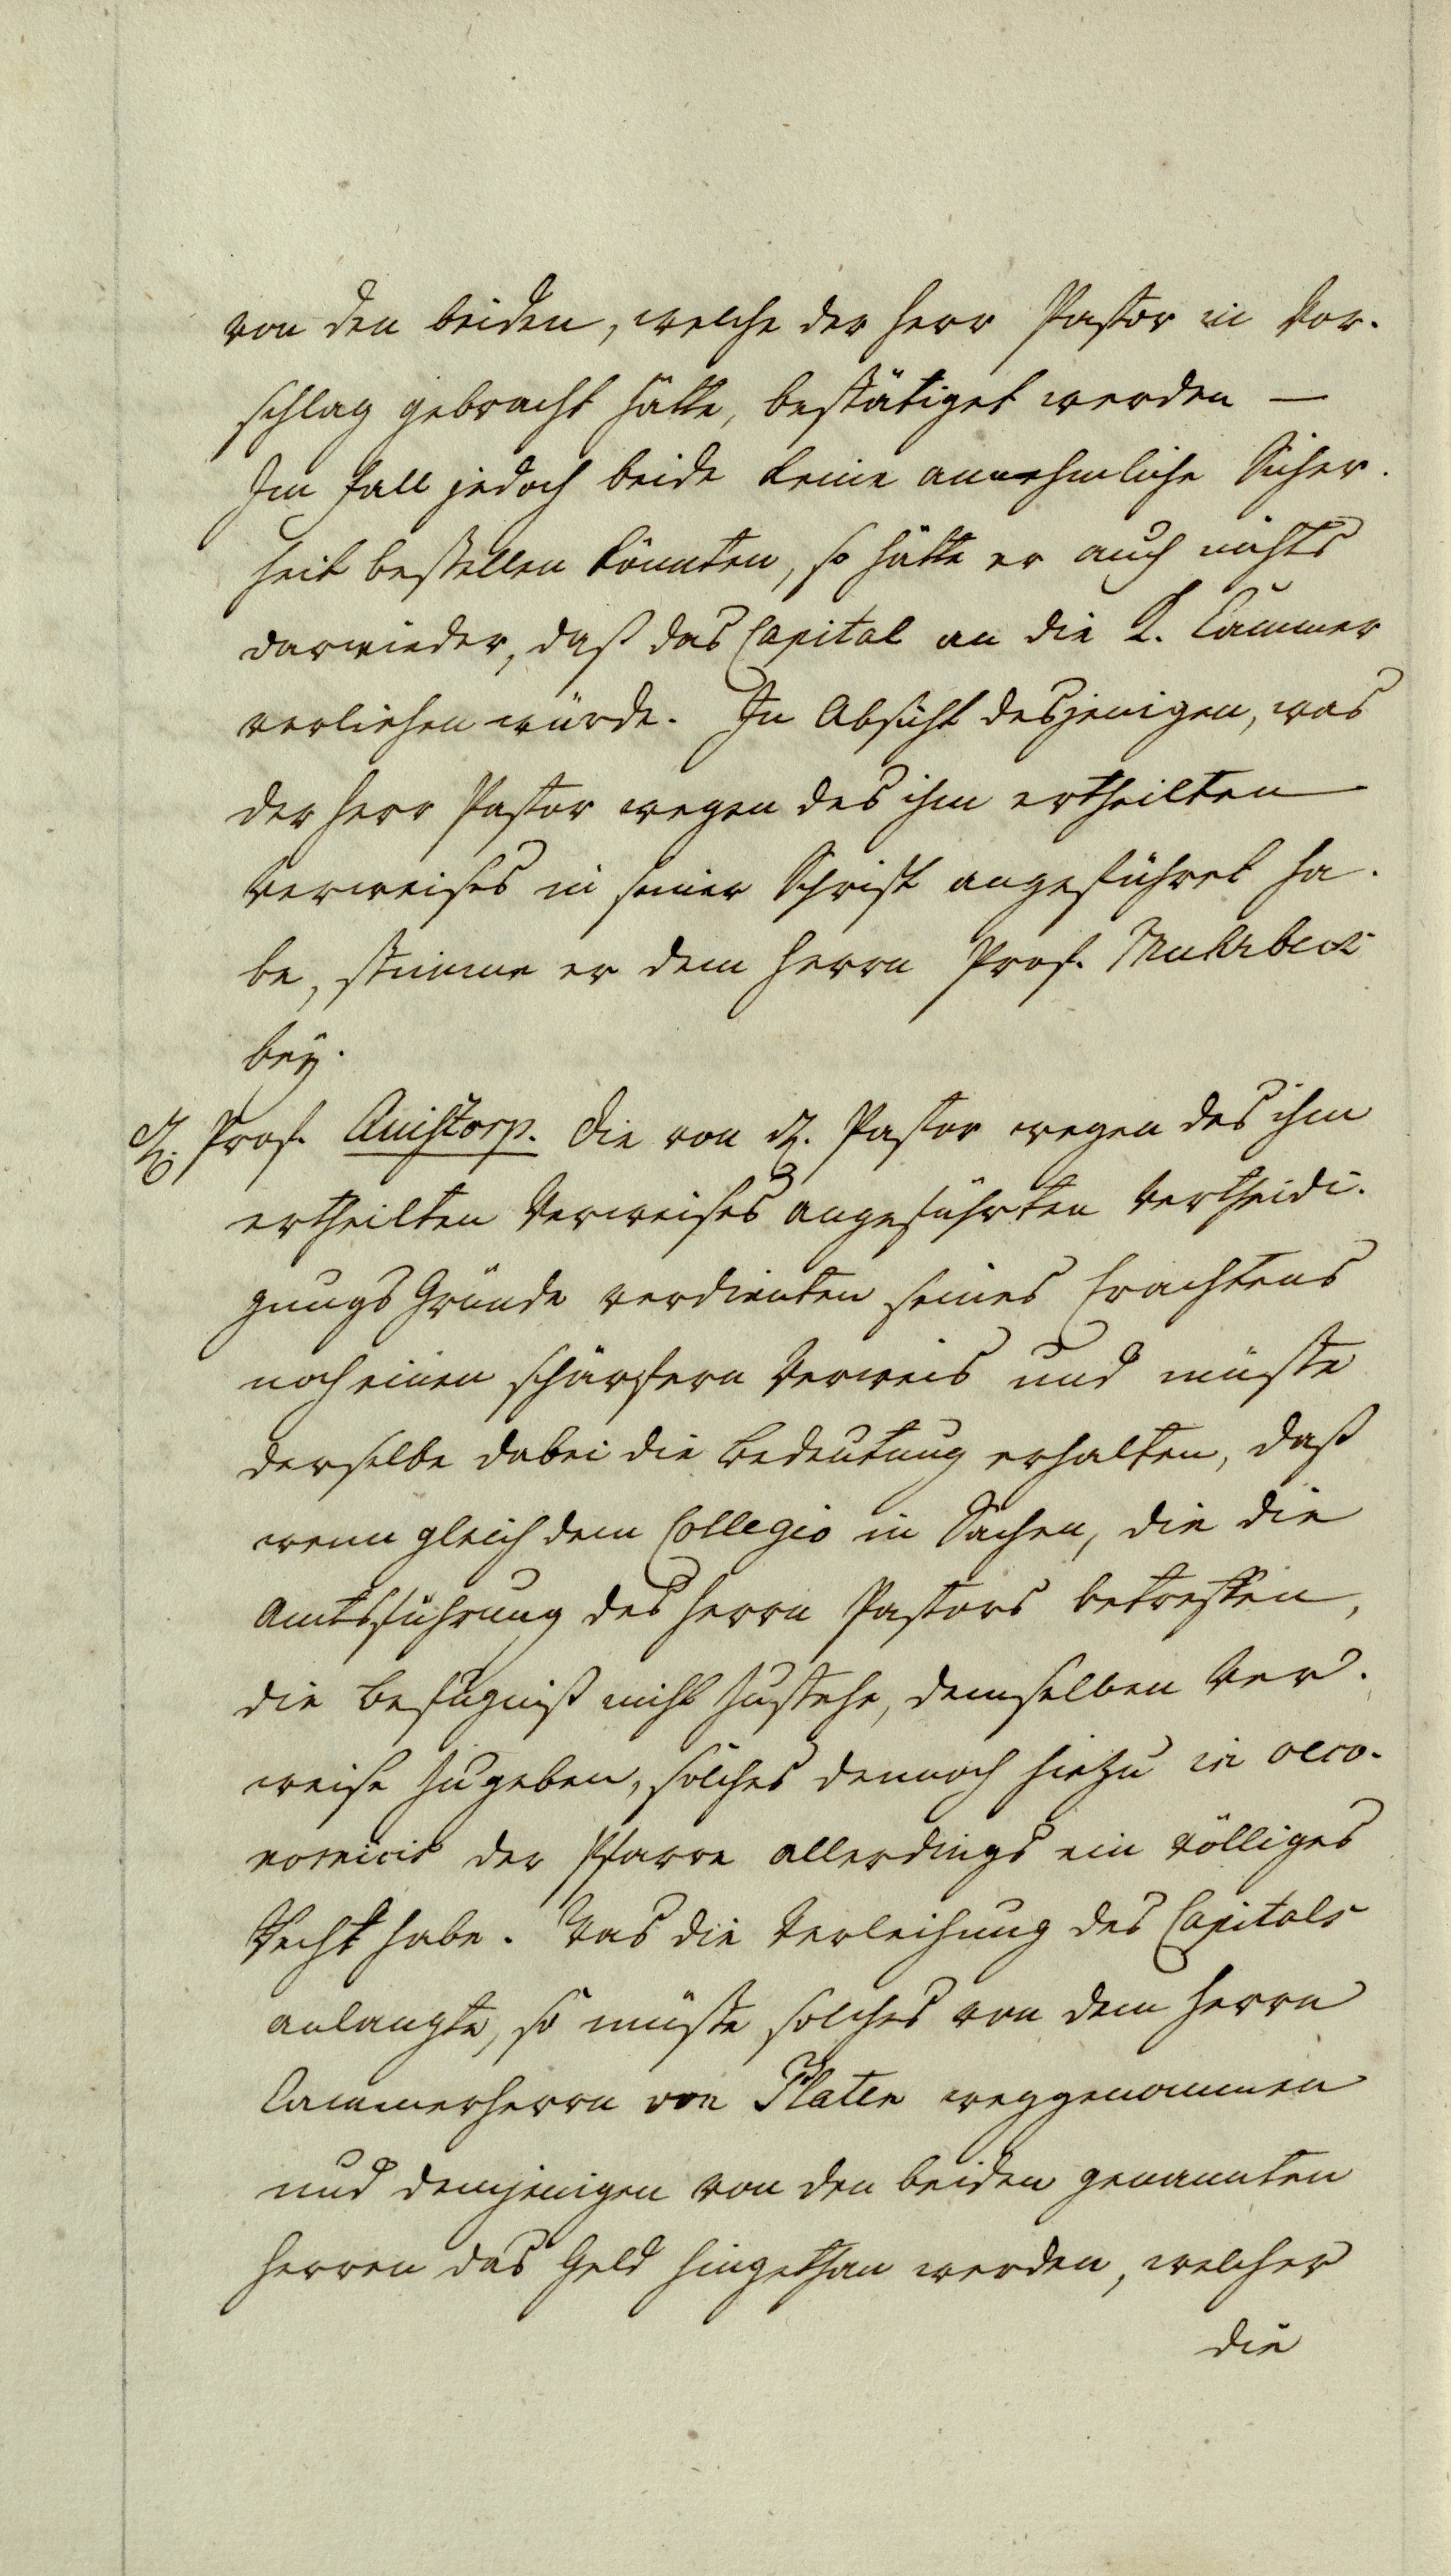von den beiden, welche der Herr Pastor in Vor¬
schlag gebracht hätte, bestätiget werden.
Im Fall jedoch beide keine annehmliche Sicher¬
heit bestellen könnten, so hätte er auch nichts
darwieder, daß das Capital an die K. Cammer
verliehen würde. In Absicht desjenigen, was
der Herr Pastor wegen des ihm ertheilten
Verweises in seiner Schrift angeführet ha
be, stimme er dem Herrn Prof. Muhrbeck
beÿ.
dh. Prof. Quistorp. die von dh. Pastor wegen des ihm
ertheilten Verweises angeführten Vertheidi¬
gungs Gründe verdienten seines Erachtens
noch einen schärfern Verweis und müßte
derselbe dabei die Bedeutung erhalten, daß
wenn gleich dem Collegio in Sachen, die die
Amtsführung des Herrn Pastors betreffen,
die Befugniß nicht zustehe, demselben Ver¬
weise zu geben, solches dennoch hiezu in oeco¬
nomicis der Pfarre allerdings ein völliges
Recht habe. Was die Verleihung des Capitals
anlangte, so müßte solches von dem Herrn
Cammerherrn von P ten weggenommen
und demjenigen von den beiden genannten
Herren das Geld hingethan werden, welcher
die